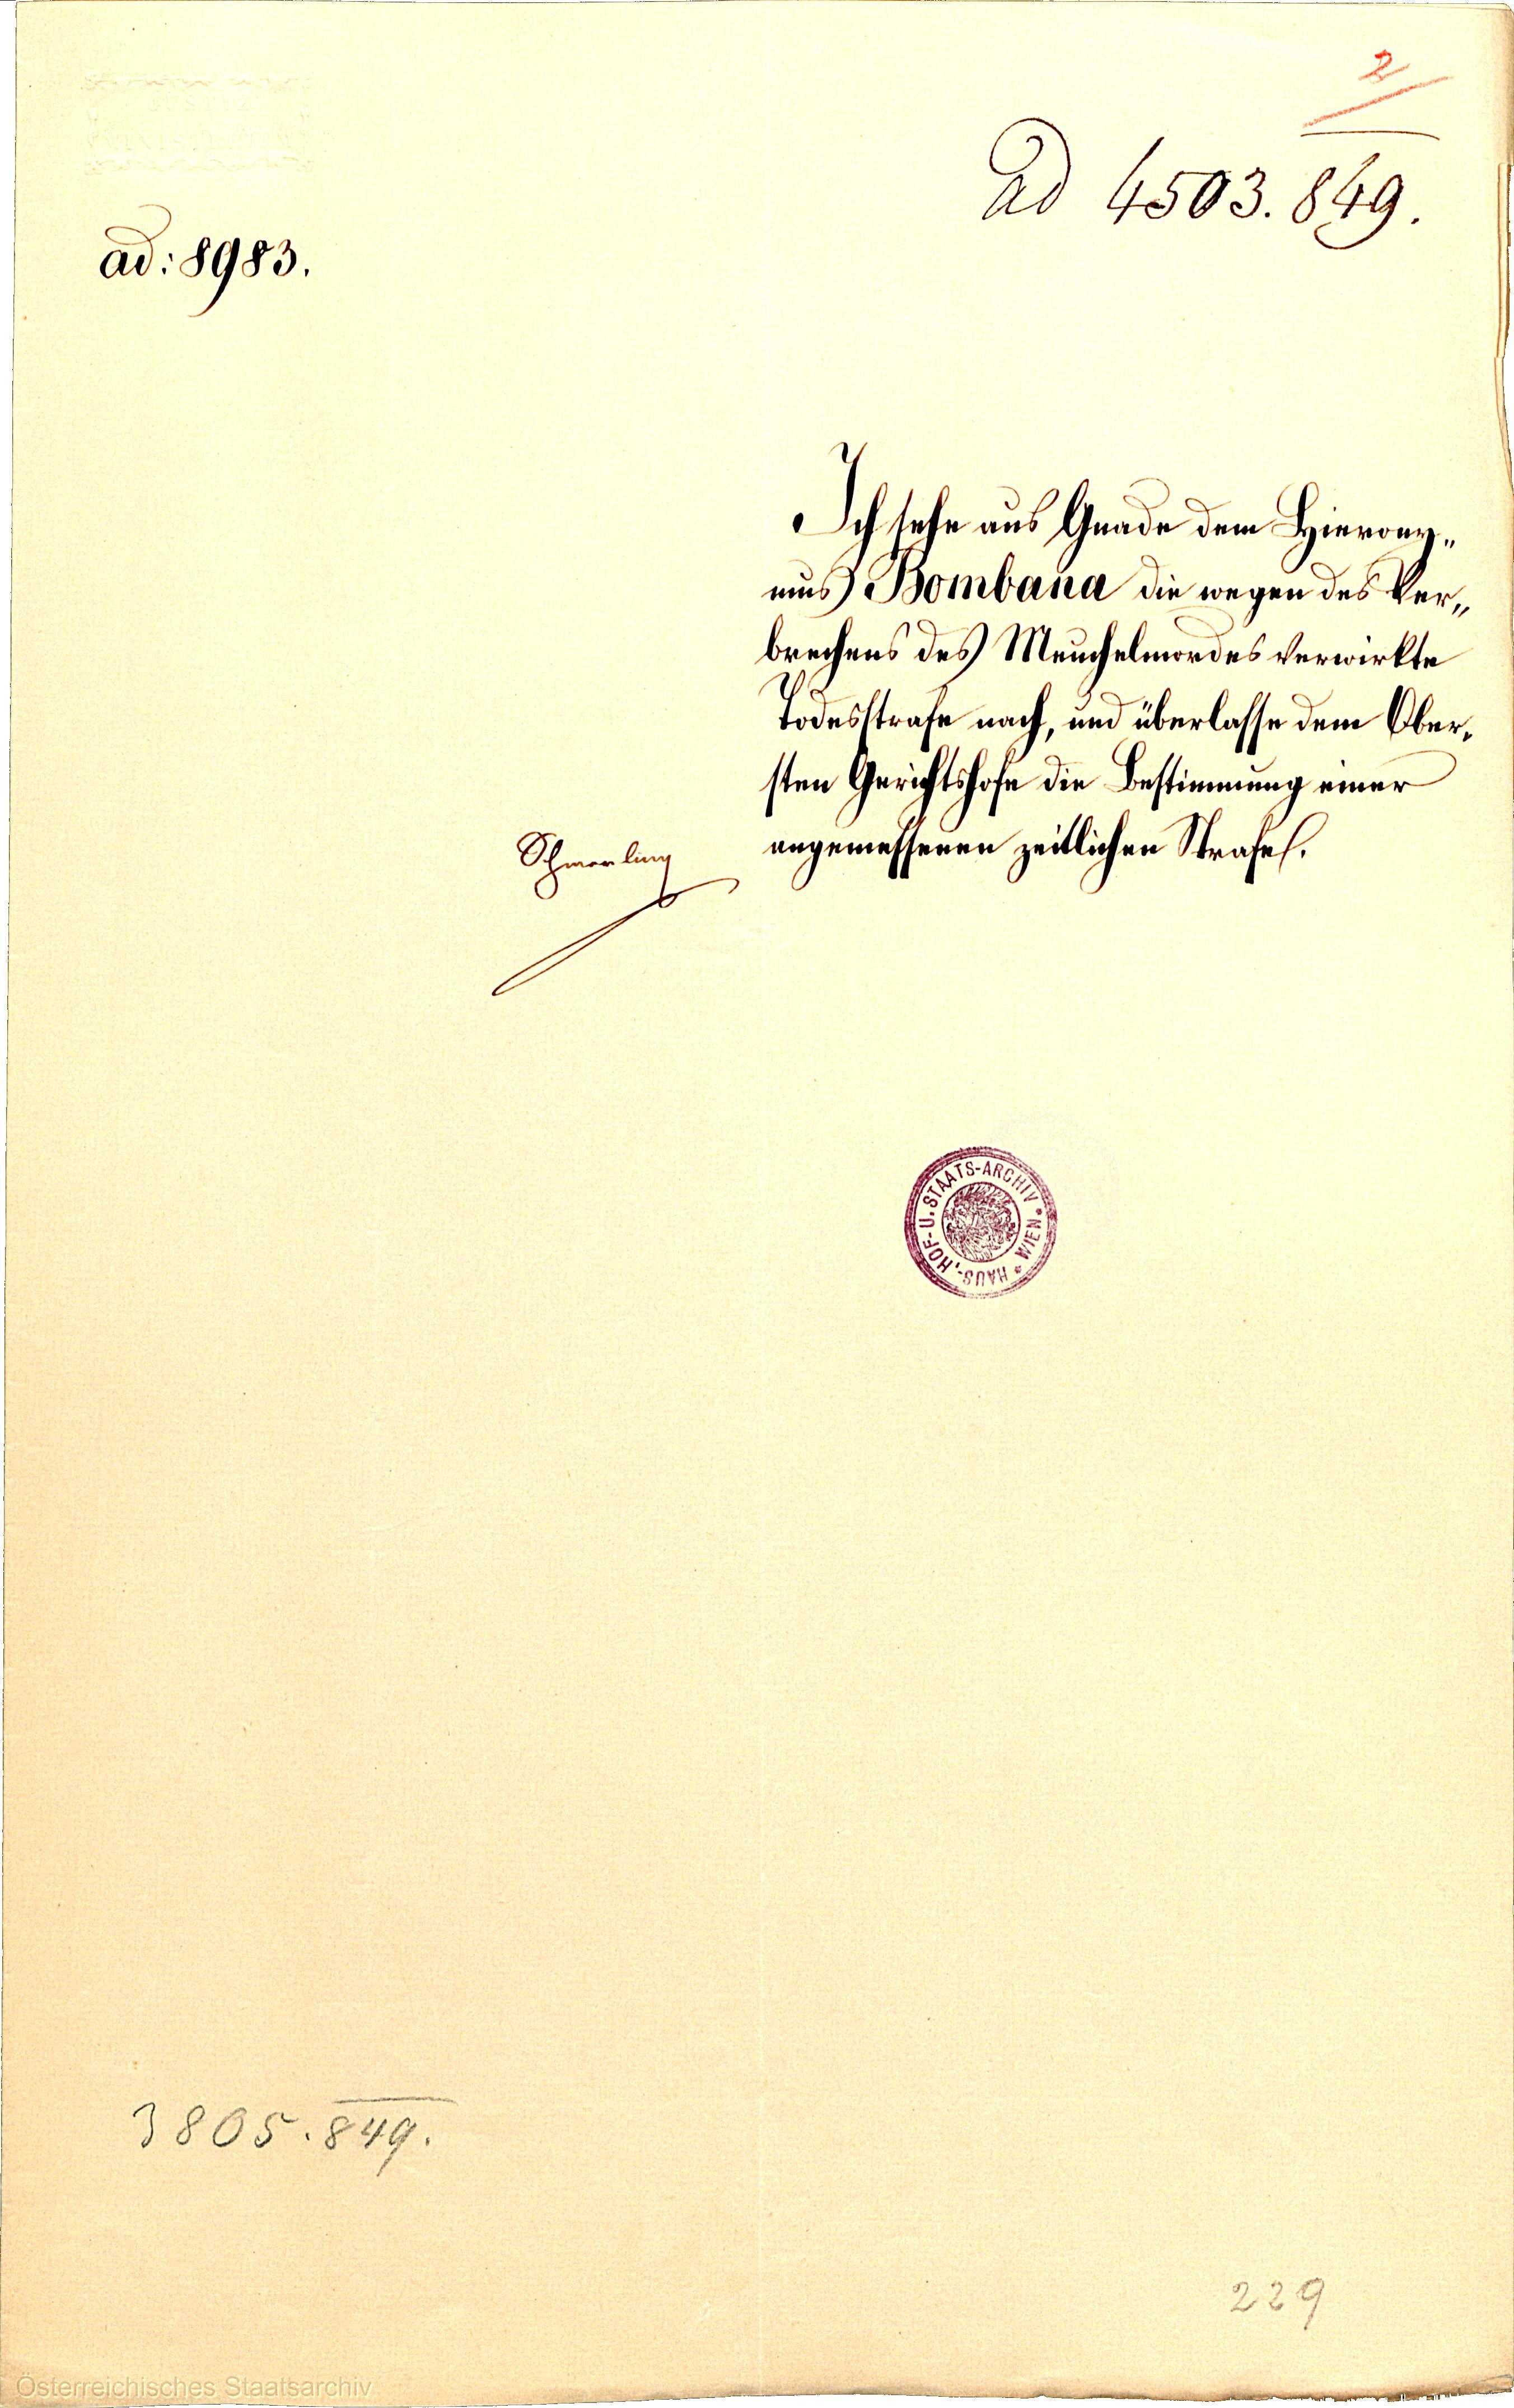2
ad: 8983.
ad 4503.849.
Ich sehe aus Gnade dem Hierony¬
mus Bombana die wegen des Ver¬
brechens des Meuchelmordes verwirkte
Todesstrafe nach, und überlasse dem Ober¬
sten Gerichtshofe die Bestimmung einer
angemessenen zeitlichen Strafe.
Schmerling
3805.849.
229